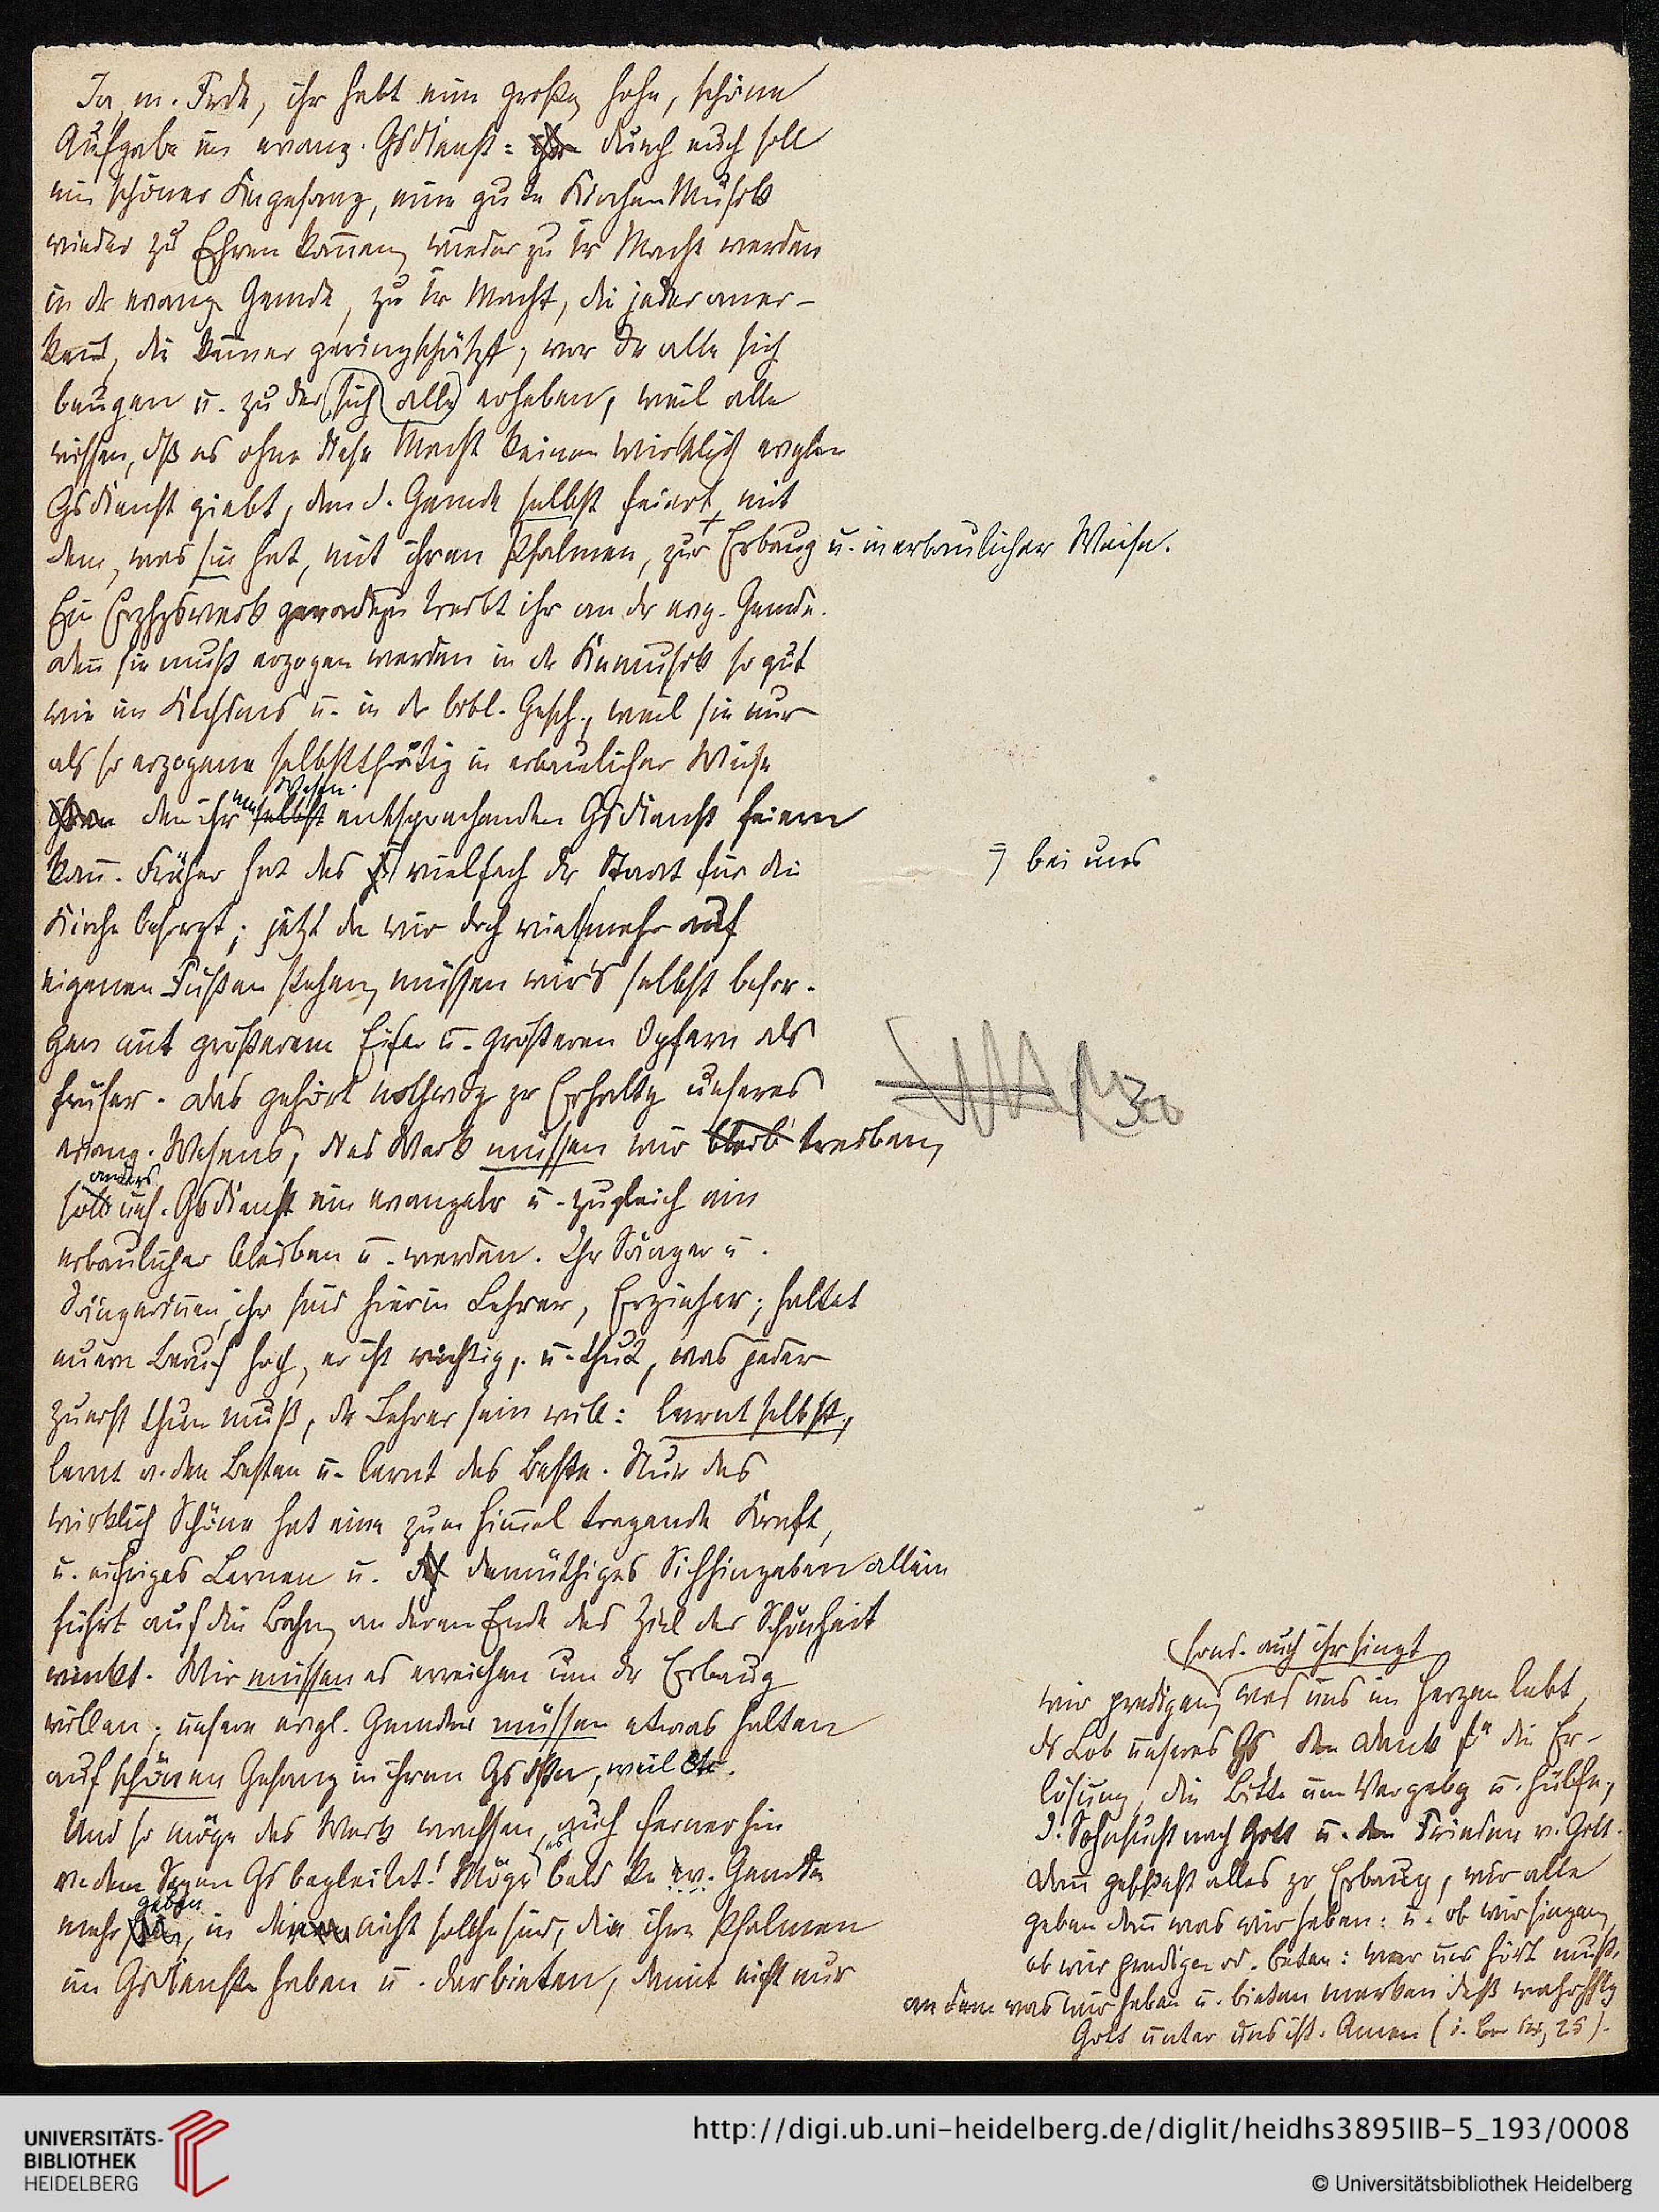Ja, m. Frde, ihr hat eine große, hohe, schöne
Aufgabe im evang. Gsdienst: ihr durch euch soll
ein schöner Kngesang, eine gute Kirchen Musik
wieder zu Ehren komen, wieder zu 1r Macht werden
in dr evang. Gemde, zu 1r Macht, die jeder aner¬
kennt, die keiner geringschätzt, vor der alle sich
beugen u. zu der sich alle erheben, weil alle
wissen, das es ohne diese Macht keinen wirklich evgln.
Gsdienst giebt, dem den d. Gemde selbst feiert mit
dem, was sie hat, mit ihren Psalmen, zur Erbaug u. in erbaulicher Weise.
Ein Erzhgswerk geradezu treibt ihr an der evg. Gemde.
Den sie must erzogen werden in der Knmusik so gut
wie im Ktchsms u. in der bibl. Gesch, weil sie nur
als so erzogen selbstthätig in erbaulicerh Weise
Wesen
ihren, dem ihr selbst entsprechenden Gsdienst feiern
] bei uns
kan. Früher hat das ihr vielfach der Staat für die
Kirche besorgt, jetzt da wir doch vielmehr auf
eigenen Füßen stehen, müssen wir's selbst besor¬
gen mit größerem Eifer u. größeren Opfern als
früher: Das gehört nothwdg zur Erhaltg unseres
evang. Wesens, das Werk müssen wir bleib treiben,
soll uns. Gsdienst ein evangelr. u. zugleich ein
erbaulicher bleiben u. werden. Ihr Sänger u.
Sängerinen, ihr seid hierin Lehrer, Erzieher; haltet
euern Beruf hoch, er ist richtig, u. thut, was jeder
zuerst tun muß, der Lehrer sein will: lernt selbst,
lernt v. den Besten u. lernt das Beste. Nur das
wirklich Schöne hat eine zum Himmel tragende Kraft,
u. eifriges Lernen u. deh demüthiges Sichhingeben allein
führt auf die Bahn, an deren Ende das Ziel der Schönheit
sond. auch ihr singt
winkt. Wir müssen es erreichen um dr. Erbaug
wir predigen, was uns im Herzen lebt
willen. unsere evgl. Gemden müssen etwas halten
ds Lob unseres Gs, den Dank fü die Er¬
auf schönen Gesang in ihren Gsdstn, weil etc.
lösung, die Bitte um Vergebg. u. Hülfe,
Und so möge das Werk wachsen, auch fernerhin
d. Sehnsucht nach Gott u. den Frieden v. Gott
v. dem Segen Gs begleitet! Möge bald kn. ev. Gemde
Dann geschieht alles zur Erbaug, wir alle
geben
geben dan was wir haben: u. ob wir singen,
mehr sein, in der nicht solche sind, die ihre Psalmen
ob wir predigen od. beten: wer uns hört muß
im Gsdienste haben u. darbieten, damit nicht nur
an dem was wir haben u. bieten merken daß warhftg
Gott unter uns ist. Amen (1. Cor 14,25).